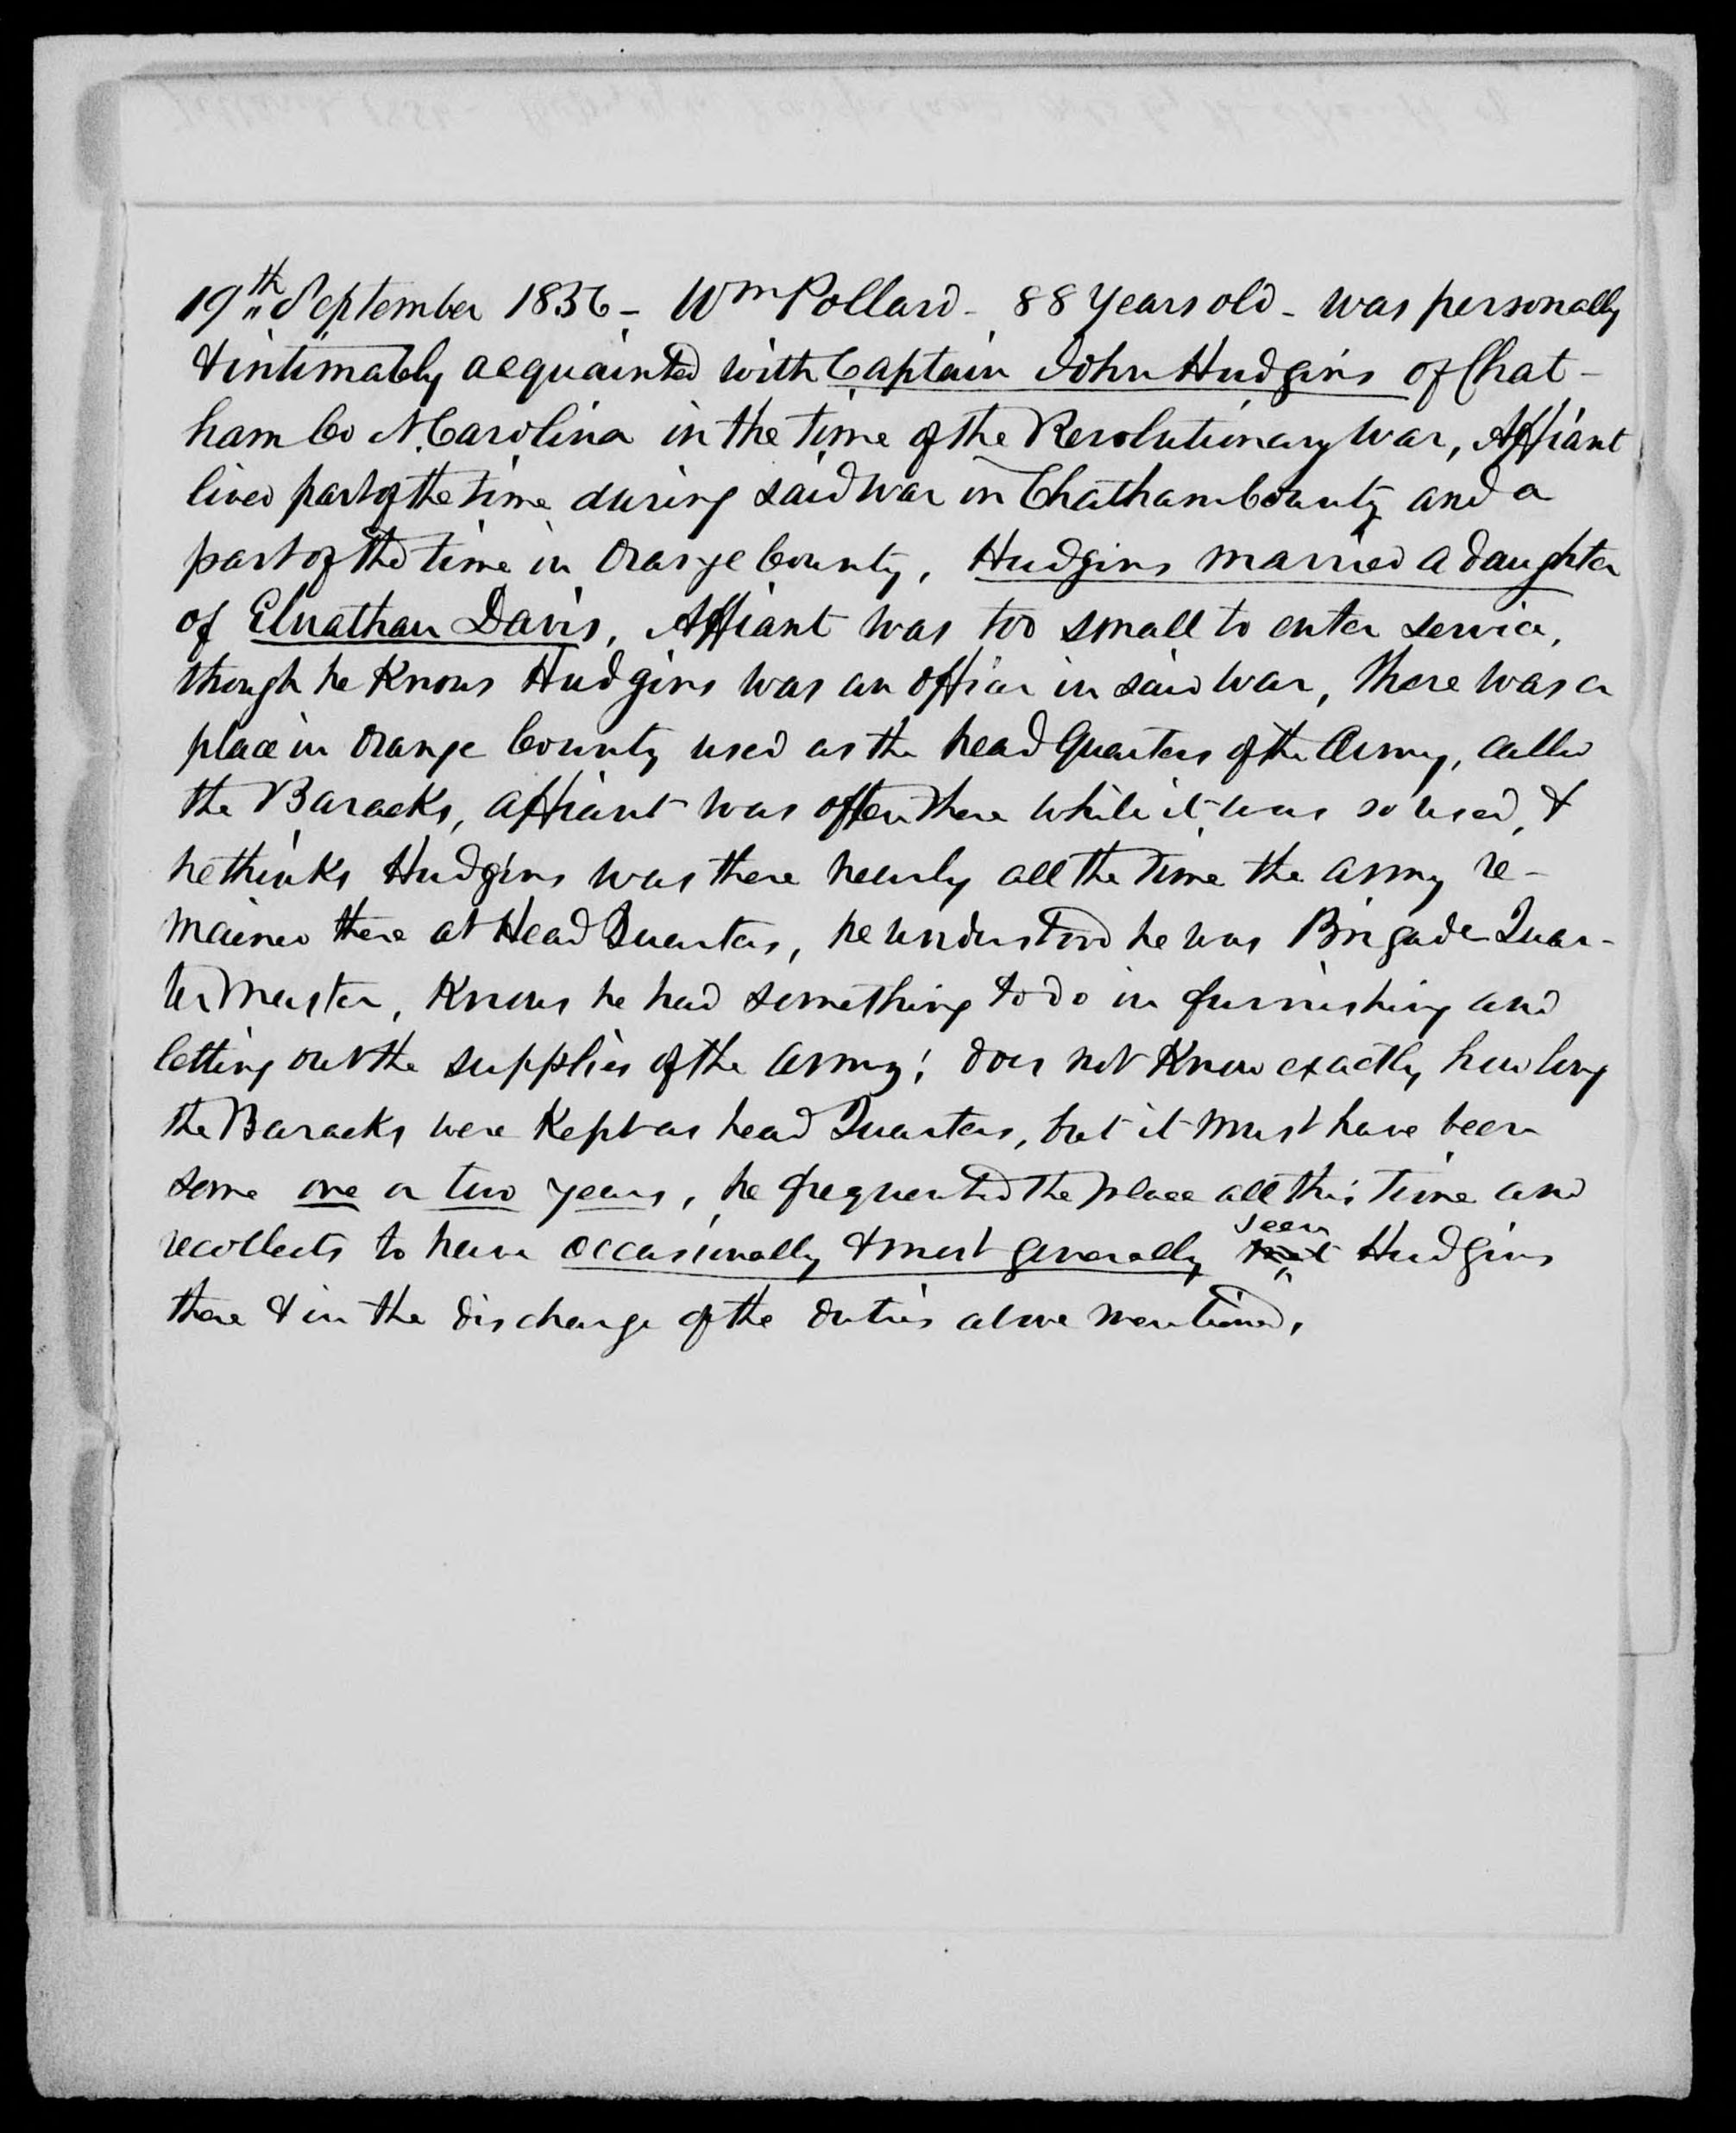19th September 1836 - Wm. Pollard - 88 years old - was personally & intimately acquainted with Captain John Hudgins of Chatham Co N Carolina in the time of the Revolutionary War. Affiant lives part of the time during said war in Chatham County and a part of the time in Orange County. Hudgins married a daughter of Elnathan Davis. Affiant was too small to enter service, though he knows Hudgins was an officer in said war, there was a place in Orange County used as the head quarters of the army, called the Baracks, affiant was often there while it was so used & he thinks Hudgins was there nearly all the time the army remained there at Head Quarters, he understood he was Brigade Quarter Master, knew he had something to do in furnishing and letting out the supplies of the army; does not know exactly how long the Baracks were kept as head quarters, but it must have been some one or two years, he frequented the place all this time and recollects to have occasionally & most generally seen Hudgins there & in the discharge of the duties above mentioned.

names: John Hudgins, Elnathan Davis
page: 57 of 108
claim: rejected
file: R. 7,515, John Hudgins, N.C.